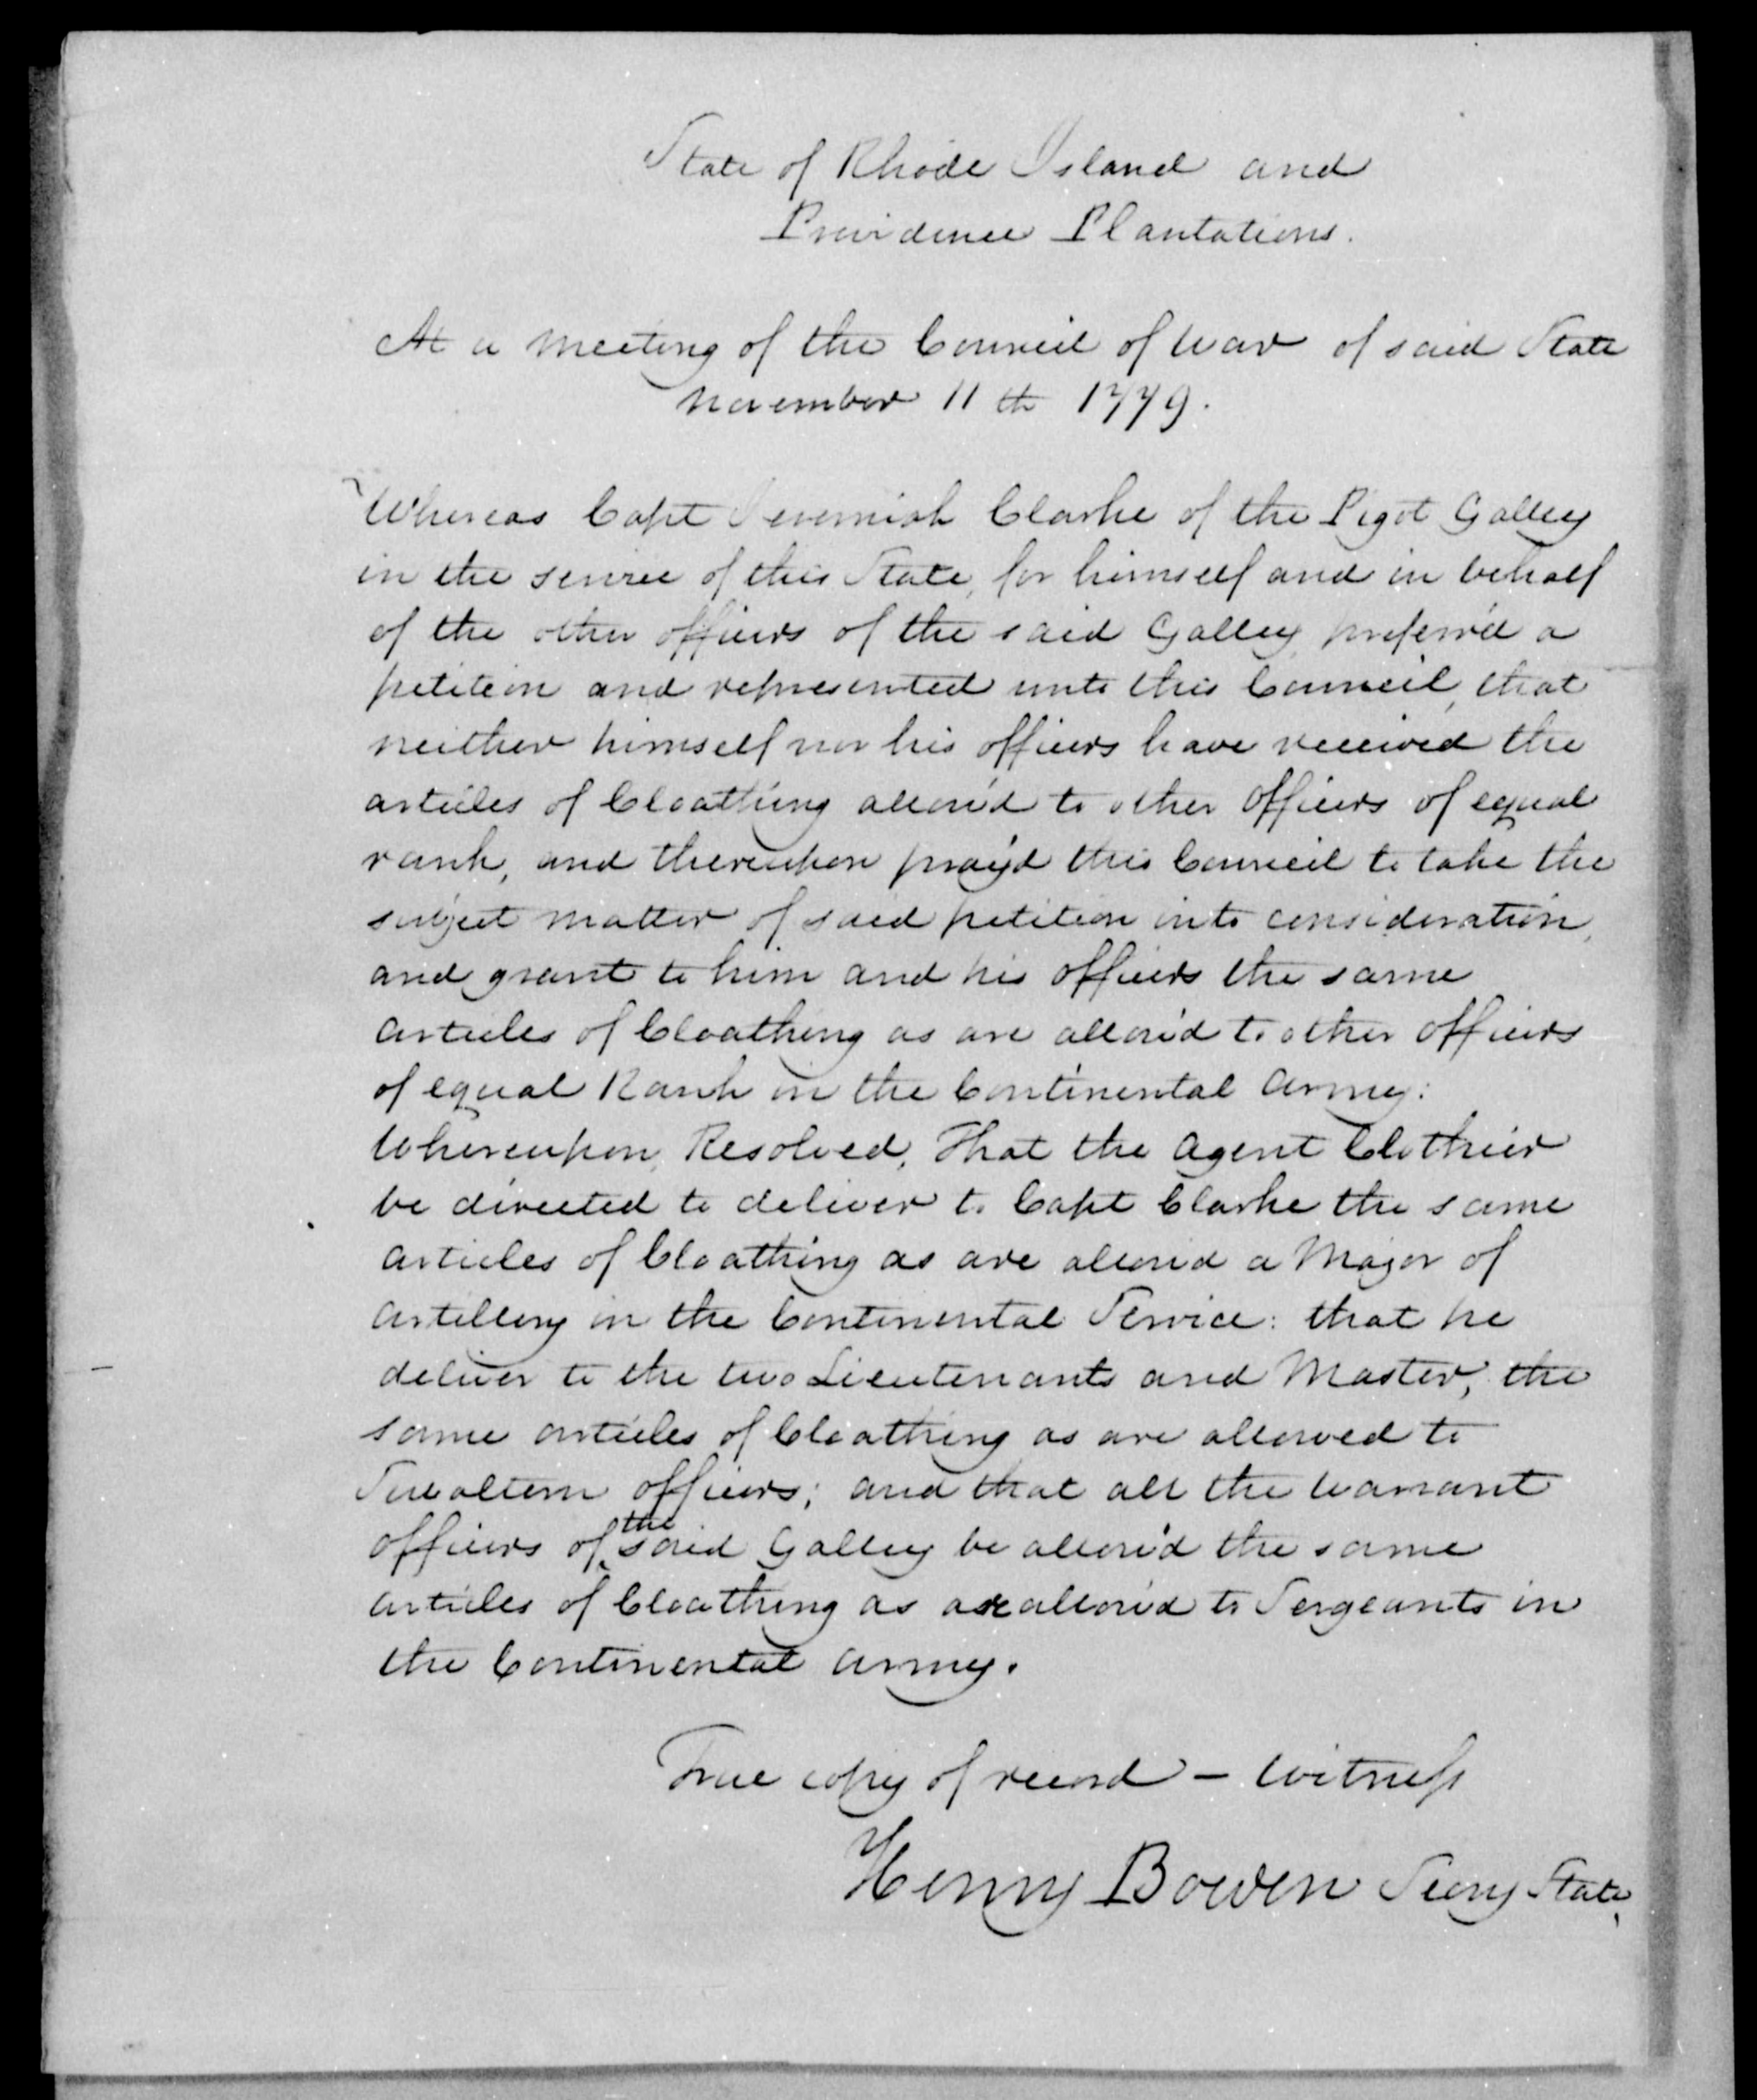State of Rhode Island and
Providence Plantations
At a meeting of the Council of war of said State
November 11th 1779
Whereas Capt Jeremiah Clarke of the Pigot Galley
in the service of this State, for himself and in behalf of the other officers of the said Galley preferred a petition and represented unto this Council that neither himself nor his officers have received the articles of cloathing allow'd to other officers of equal rank, and thereupon prayed this council to take the subject matter of said petition into consideration and grant to him and his officers the same articles of cloathing as are allow'd to other officers of equal Rank in the Continental Army.
Whereupon Resolved, That the agent Clothier
be directed to deliver to Capt Clarke the same
articles of cloathing as are allowed a Major of
Artillery in the Continental Service: that he
deliver to the two Lieutenant and Master, the same articles of cloathing as are allowed to
Subaltern officers; and that all the warrant
officers of the said Galley be allow'd the same
articles of cloathing as are allowed to Sergeants in the Continental army.
True copy of record - witness
Henry Bowen Secry State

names: [BLANK] Clarke; Jeremiah Clarke; Henry Bowen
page: 38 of 50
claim: widow's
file: W. 22058, for Benjamin Rhodes, Rhode Island